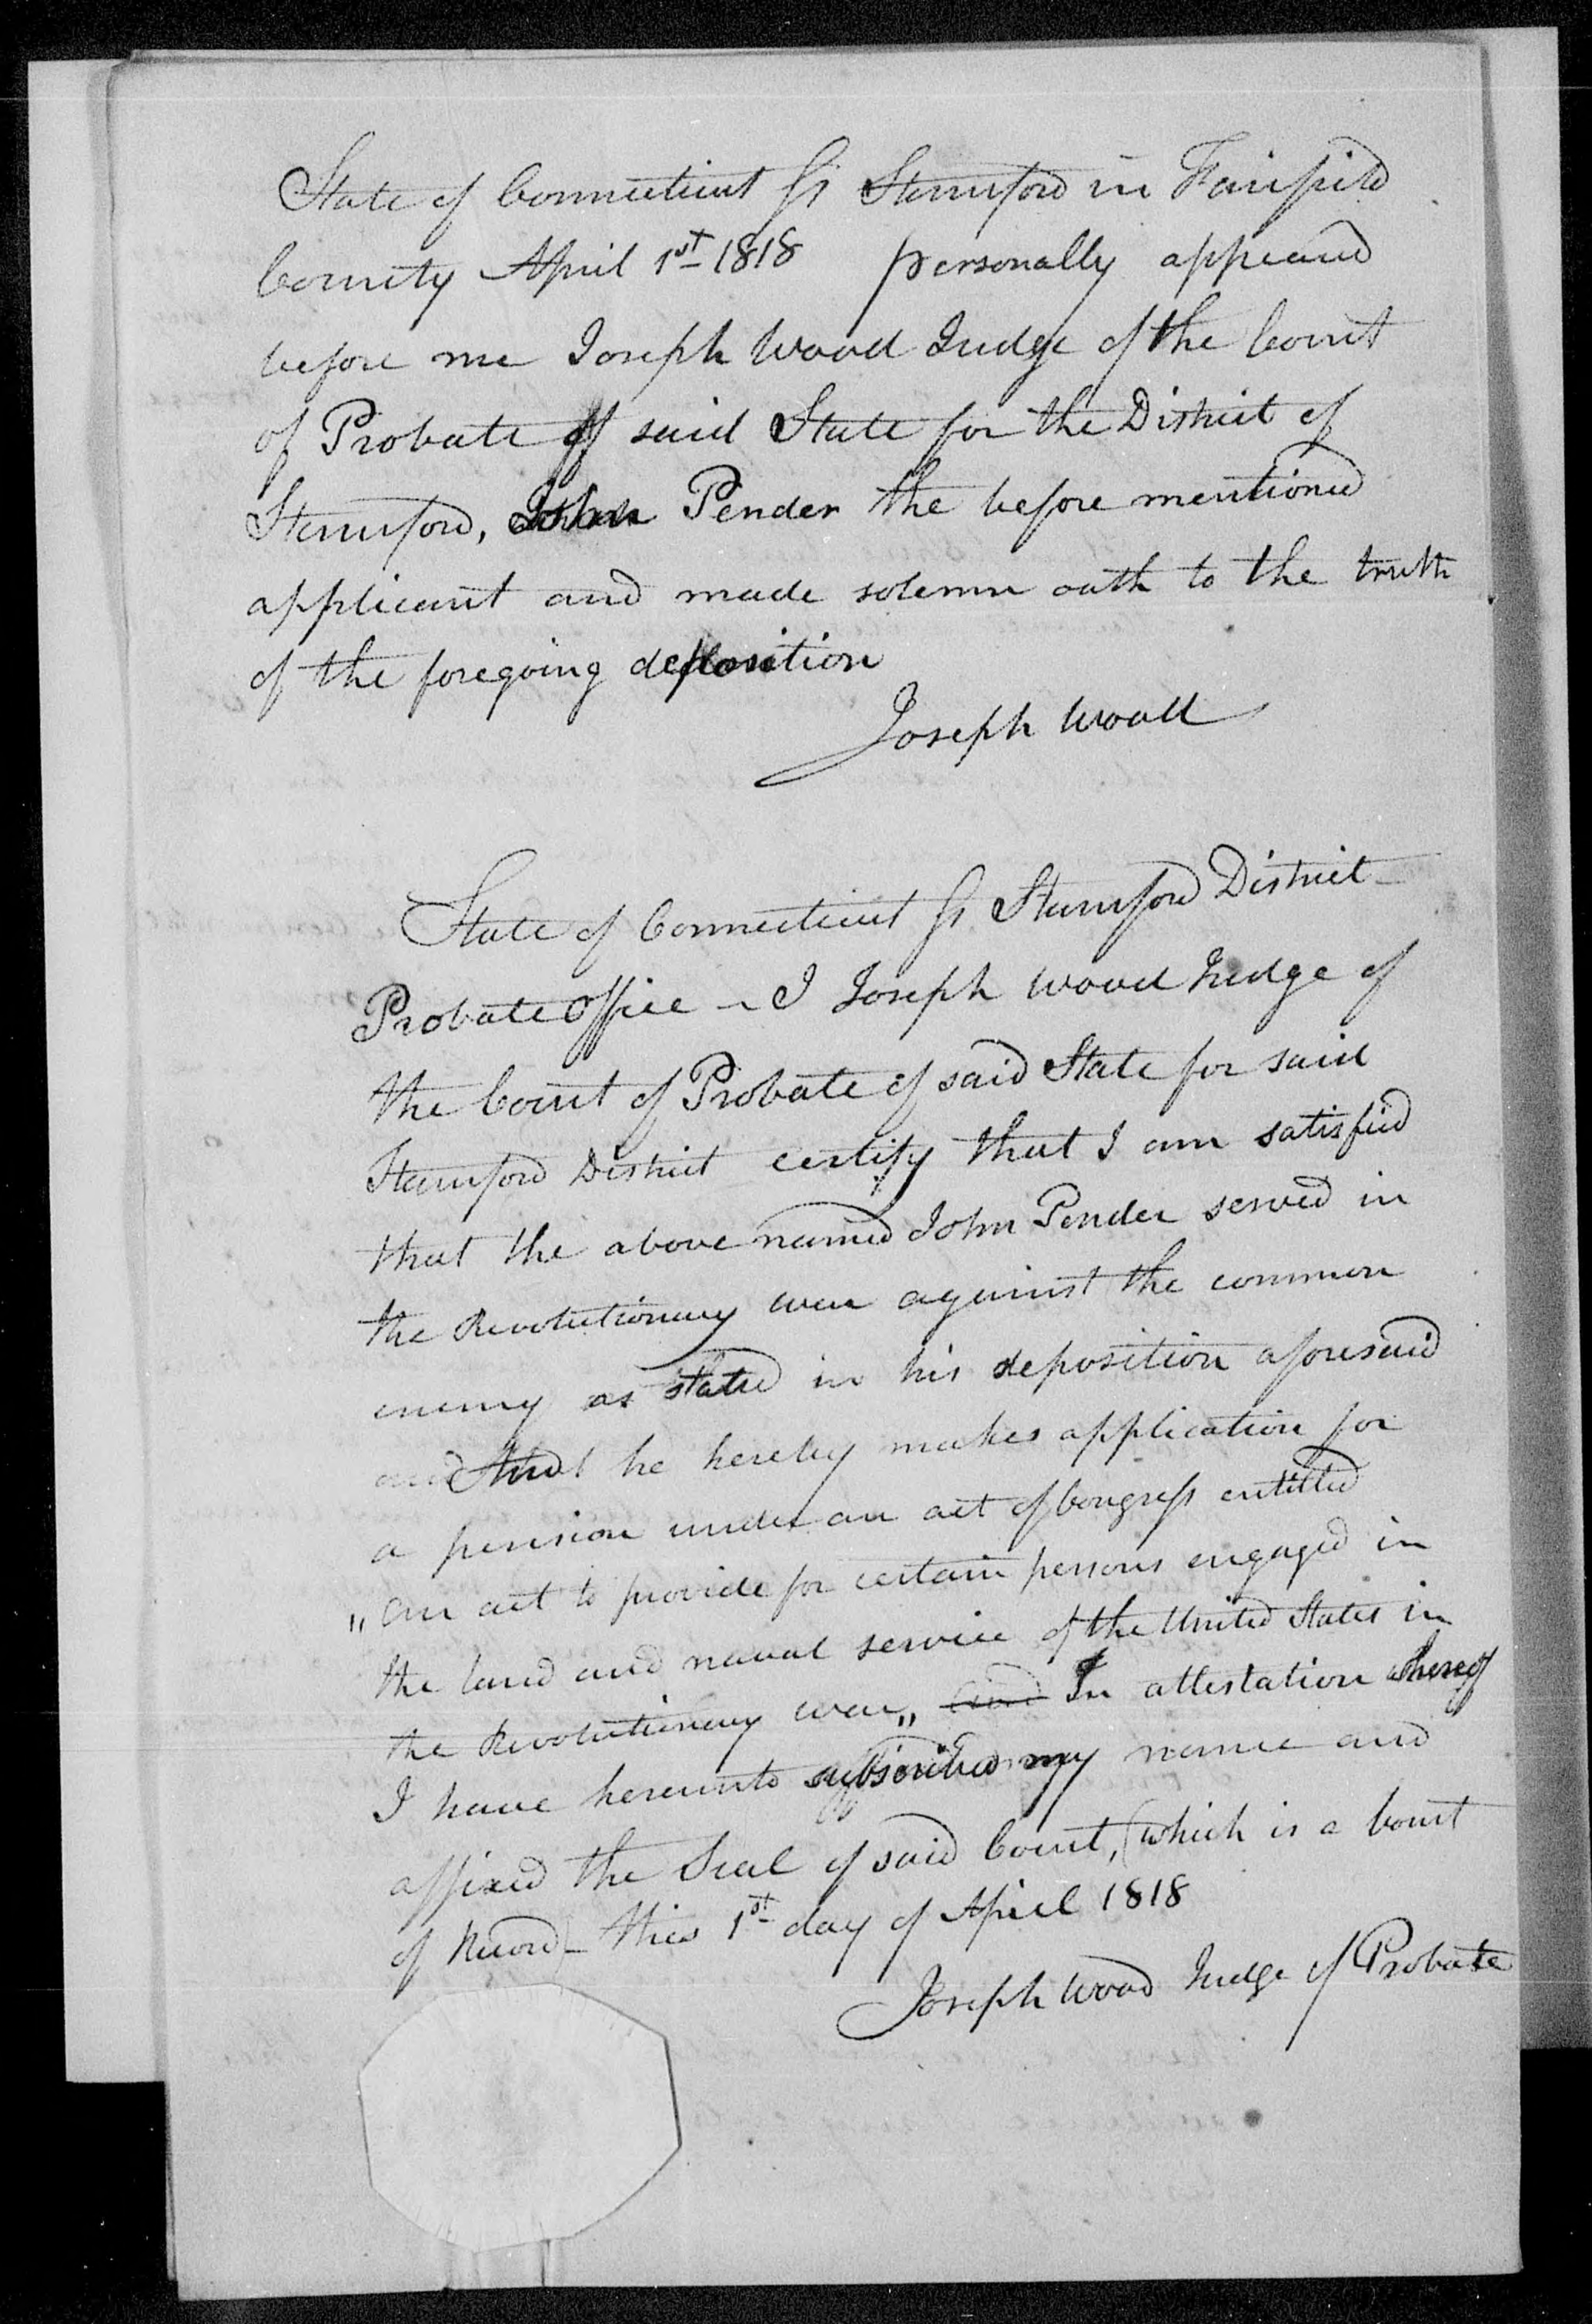State of Connecticut ss  Stamford in Fairfield County April 1st 1818 personally appeared before me Joseph Wood Judge of the Court of Probate of said State for the District of Stamford, John Pender the before mentioned applicant and made solemn oath to the truth of the foregoing deposition
[signed] Joseph Wood

State of Connecticut ss Stamford District Probate office-- I Joseph Wood Judge of the Court of Probate of said State for said
Stamford District certify that I am satisfied that the above named John Pender served in the Revolutionary war against the common enemy as stated in his deposition aforesaid
And he hereby makes application for a pension under an act of Congress entitled "An act to provide for certain persons engaged in the land and naval service of the United States in
the Revolutionary war"   In attestation thereof I have hereunto subscribed my name and affixed the Seal of said Court, (which is a Court of Record) this 1st day of April 1818
[signed] Joseph Wood Judge of Probate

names: John Pender; Joseph Wood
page: 5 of 13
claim: survivor's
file: S. 36211, for John Pender, New Hampshire